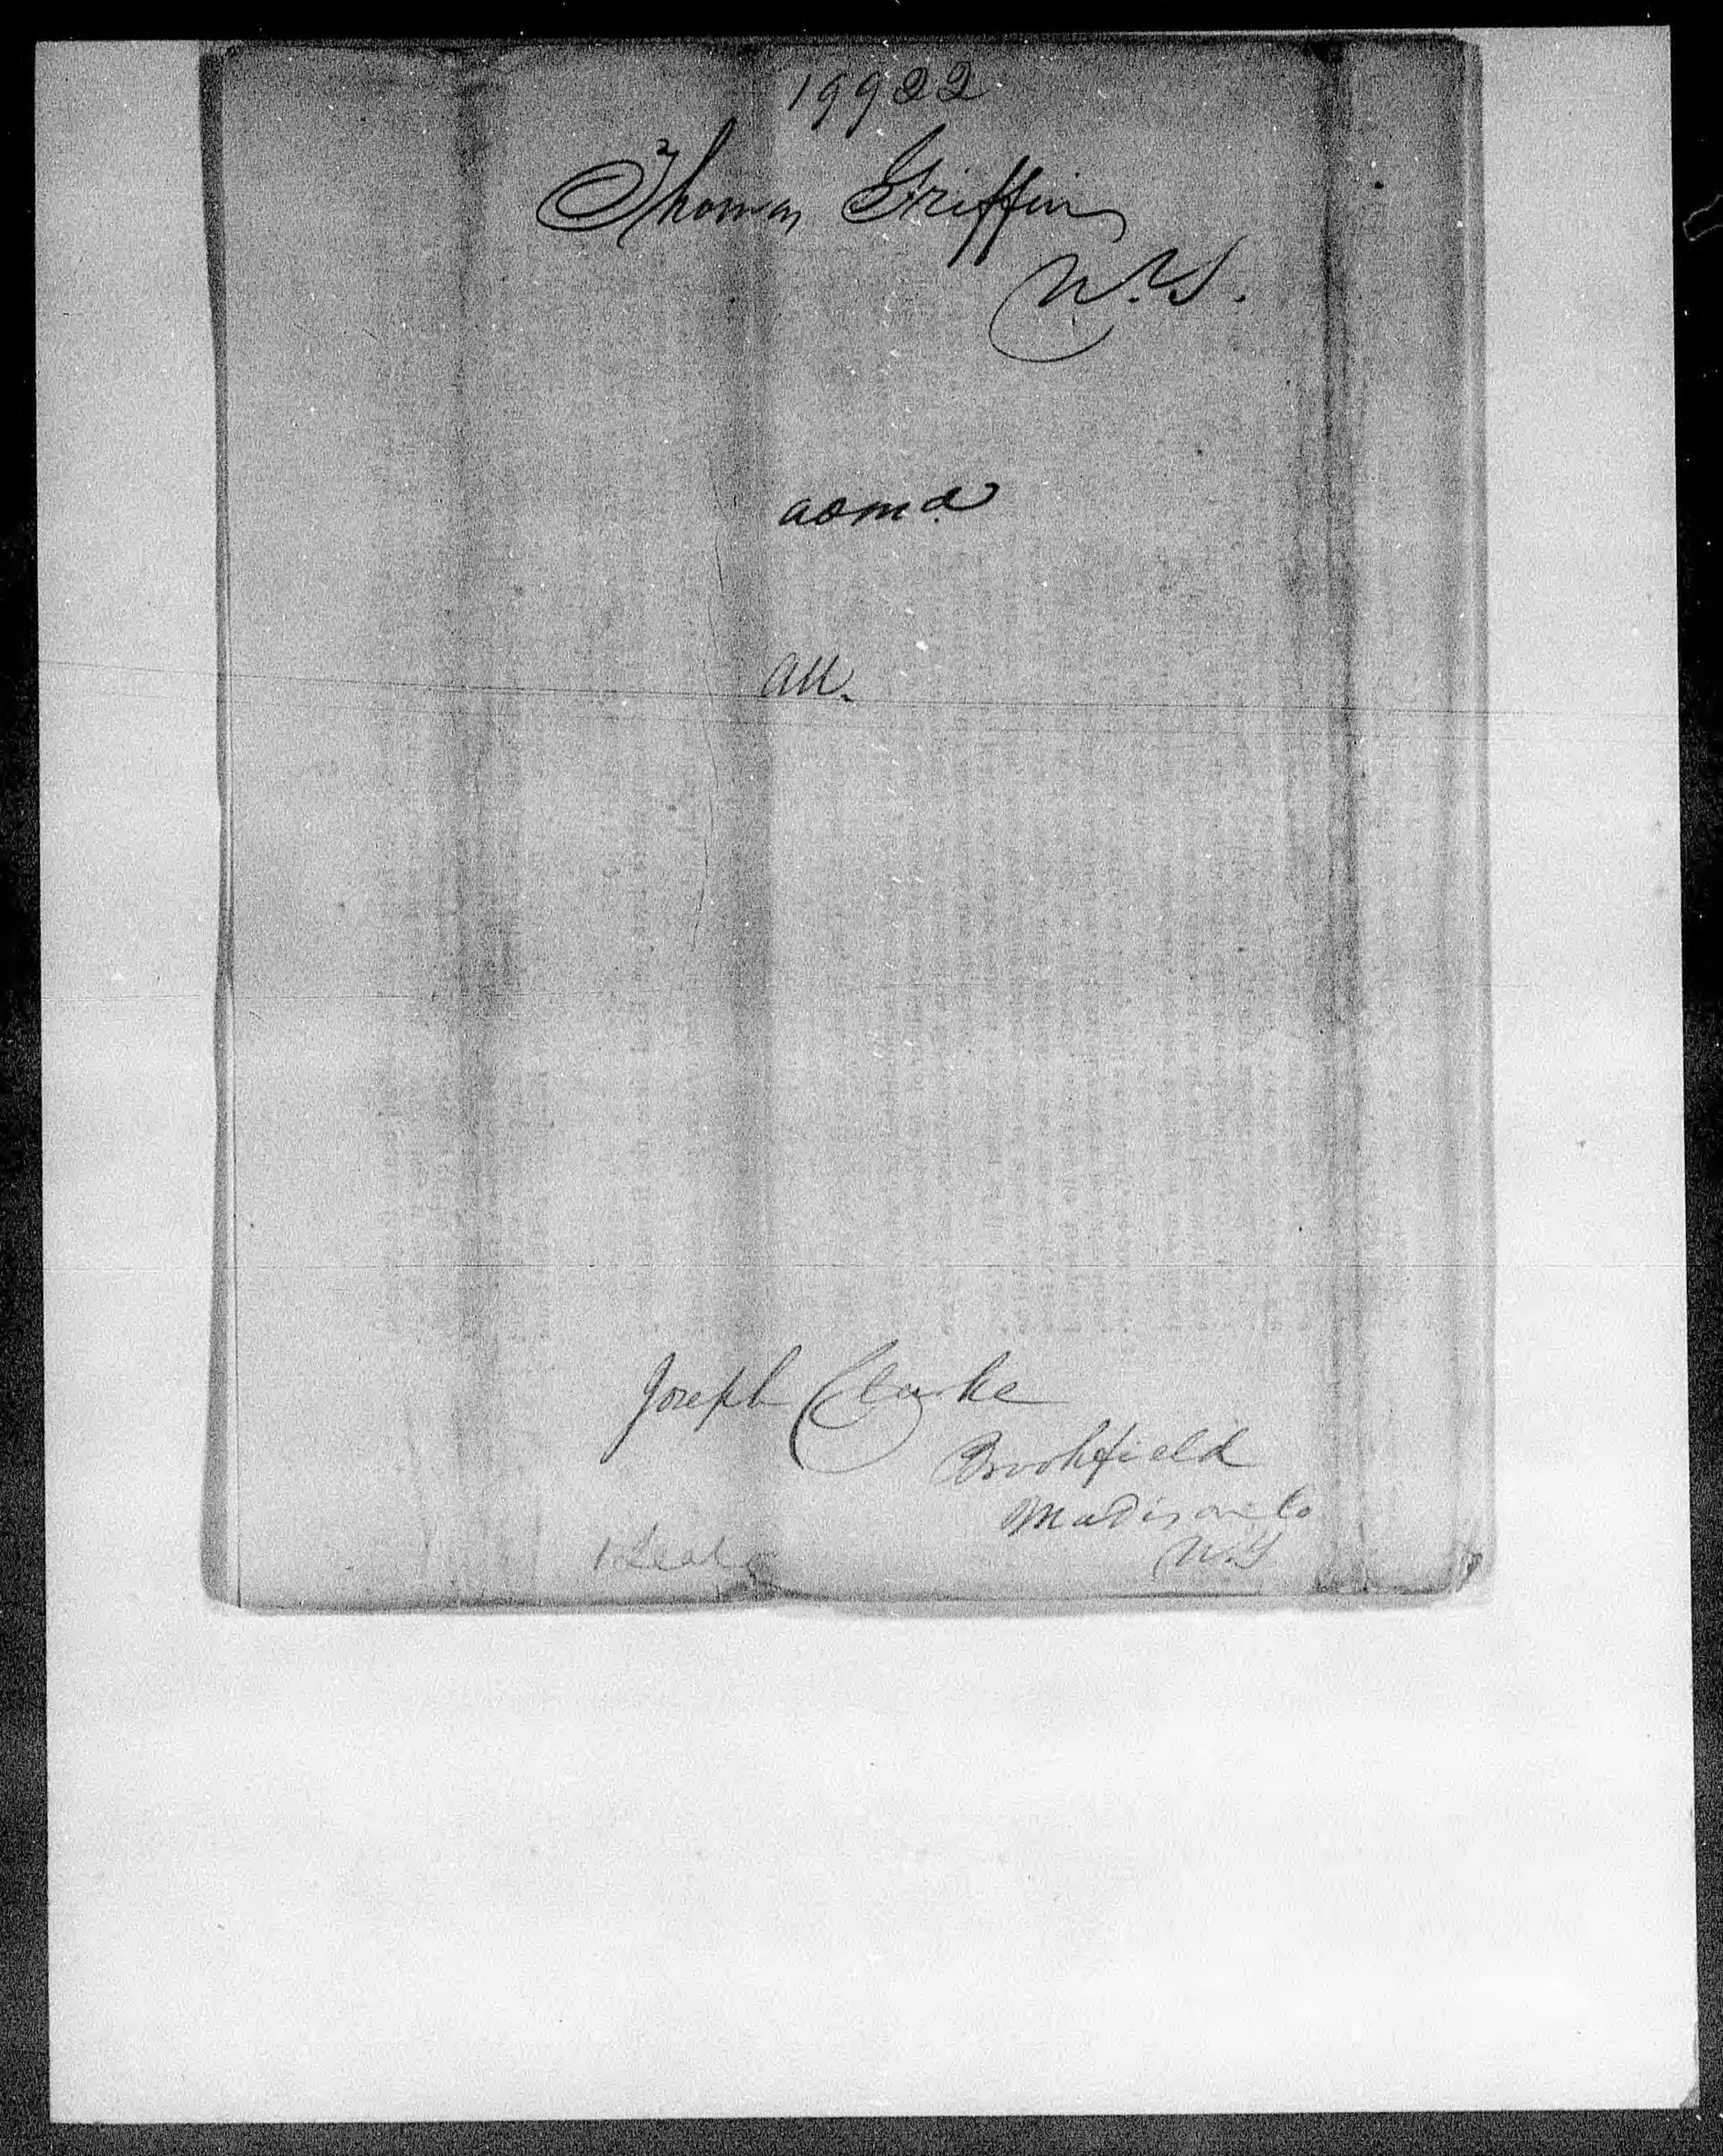19922
Thomas Griffin
W.S.
admd
All.
Joseph Clarke
Brookfield Madison Co. N.Y.
1 Seal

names: Joseph Clarke, Thomas Griffin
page: 19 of 60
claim: widow's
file: W. 19,537, Thomas Griffin, Conn.